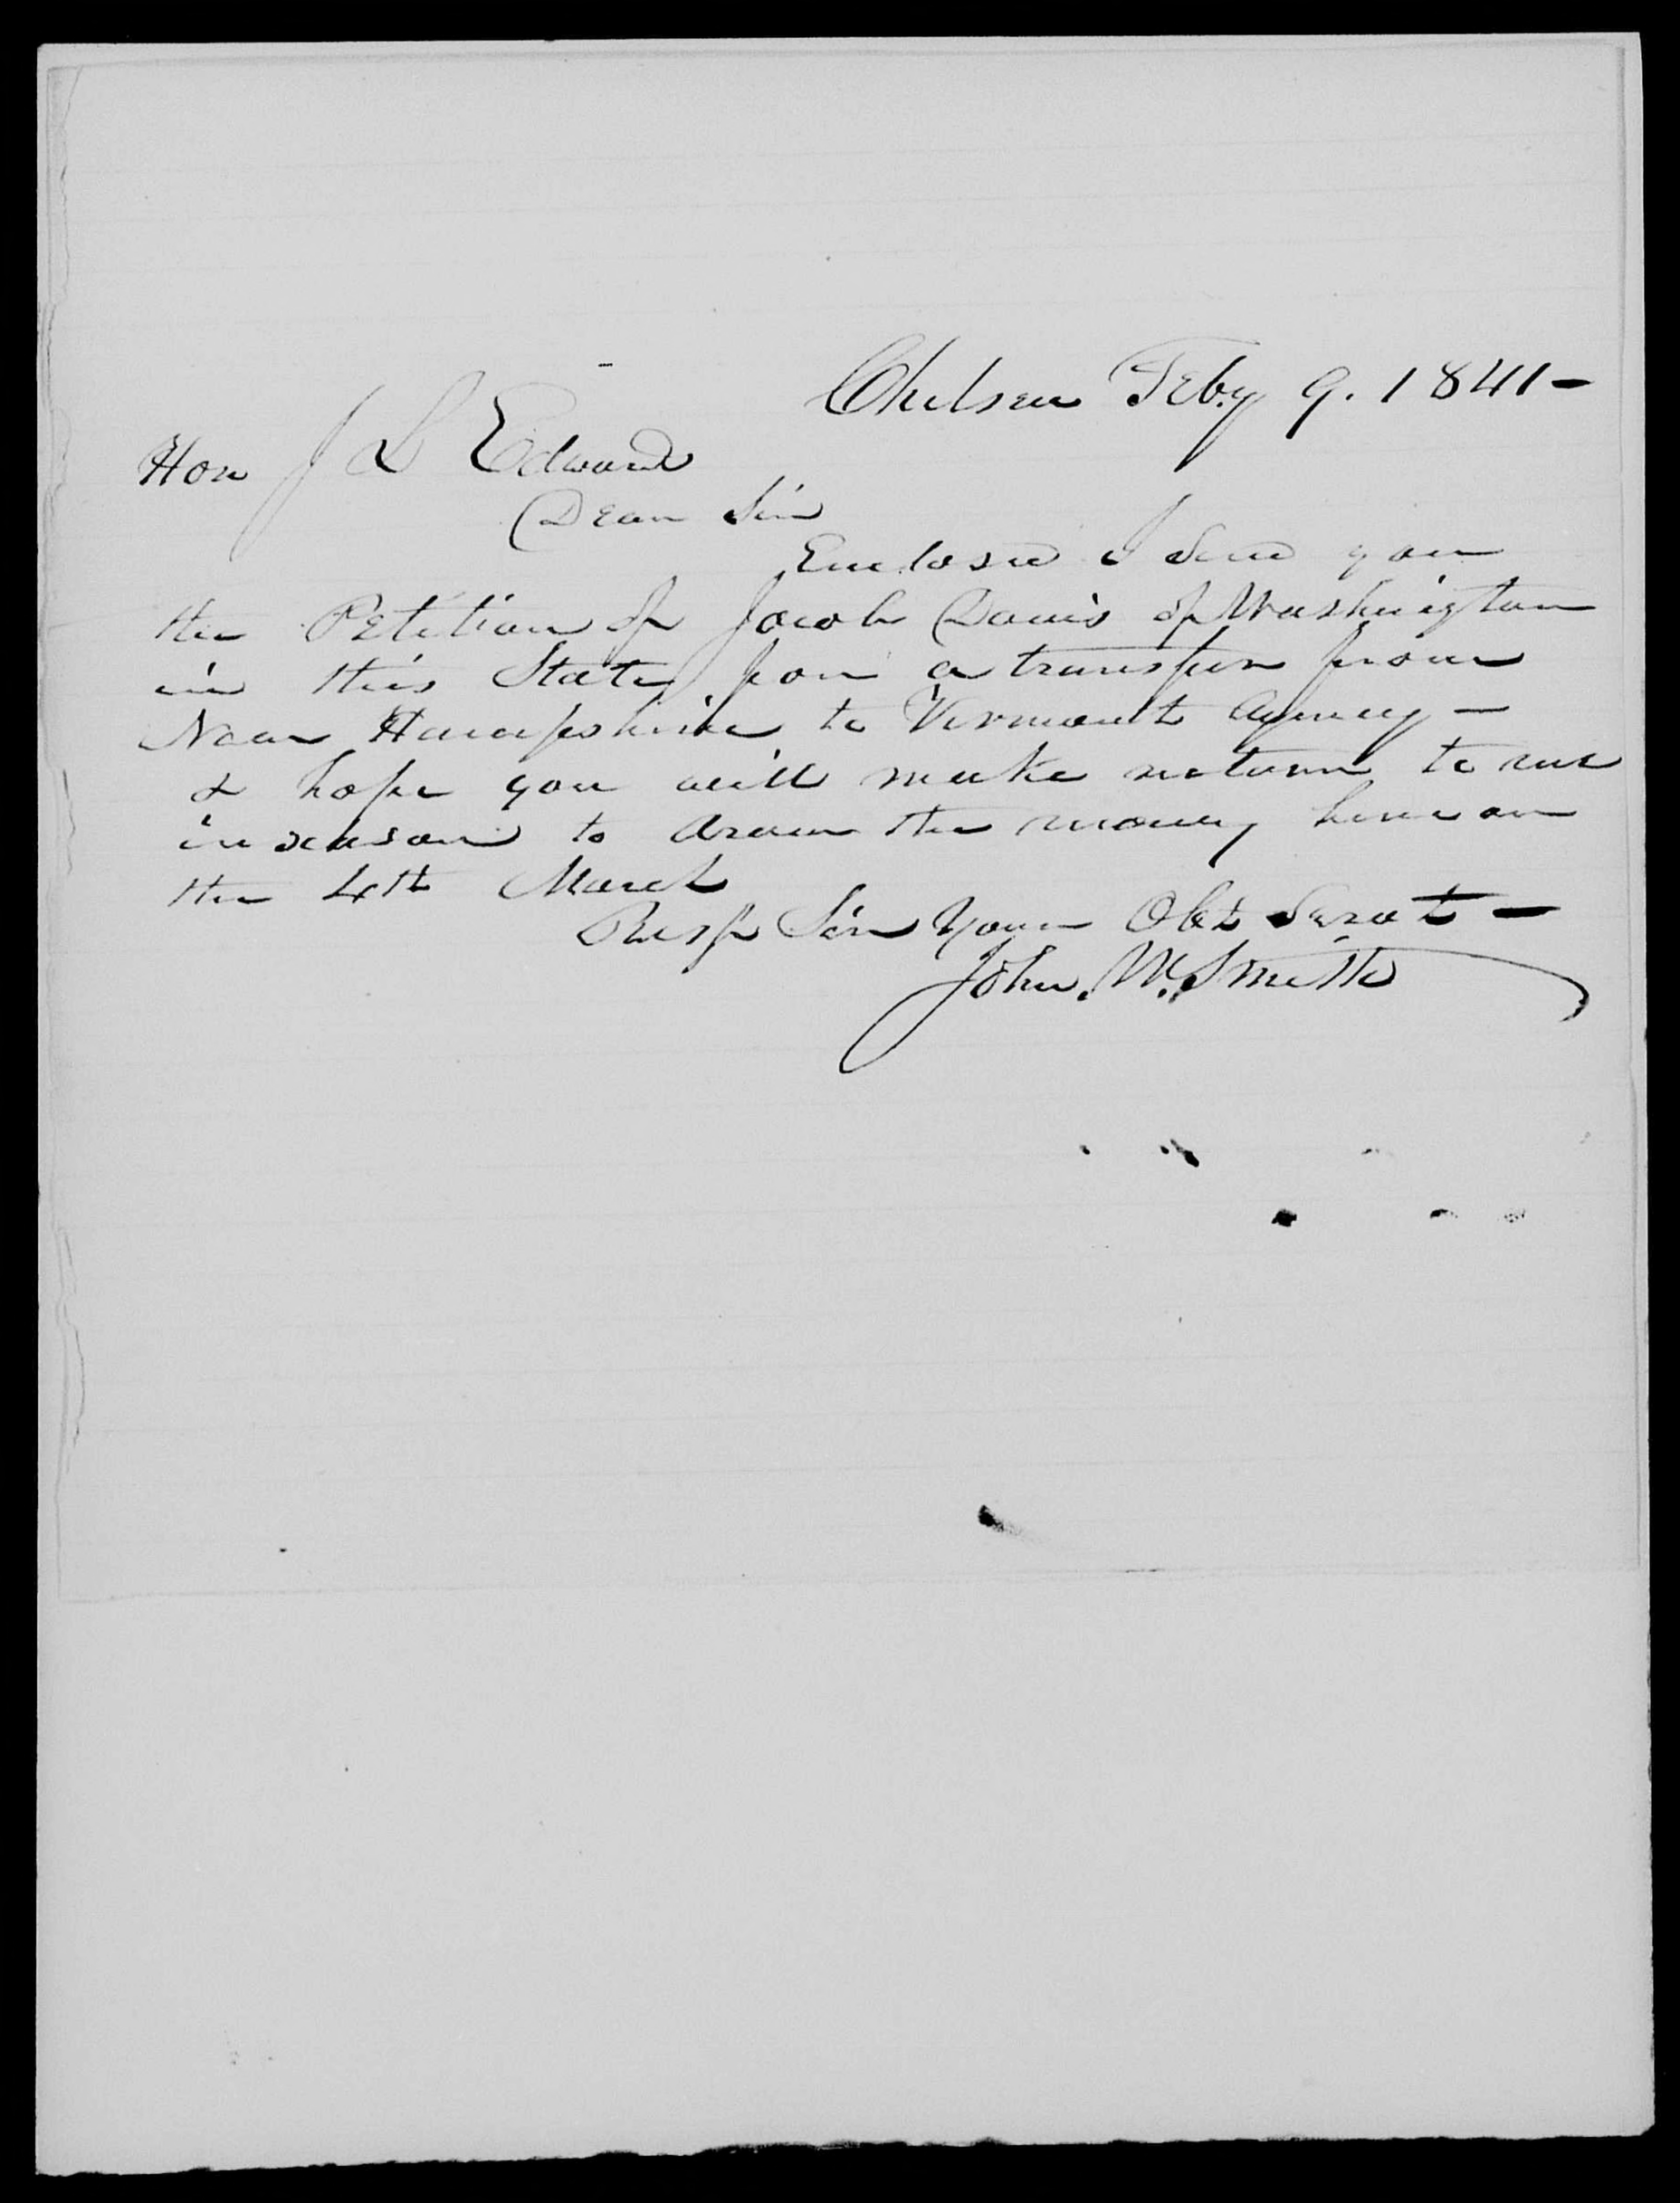Chelsea Feby 9, 1841-
Hon
J L Edwards
Dear Sir
Enclosed I send you the Petition of Jacob Davis of Washington in this State for a transfer from
New Hampshire to Vermont Agency - and hope you will make return to me in season to draw the money here on the 4th March
Resp Sir your Obt Servt
John W. Smith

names: John W Smith, Jacob Davis, J L Edwards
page: 37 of 47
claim: widow's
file: W. 24043, Jacob Davis, N.H.